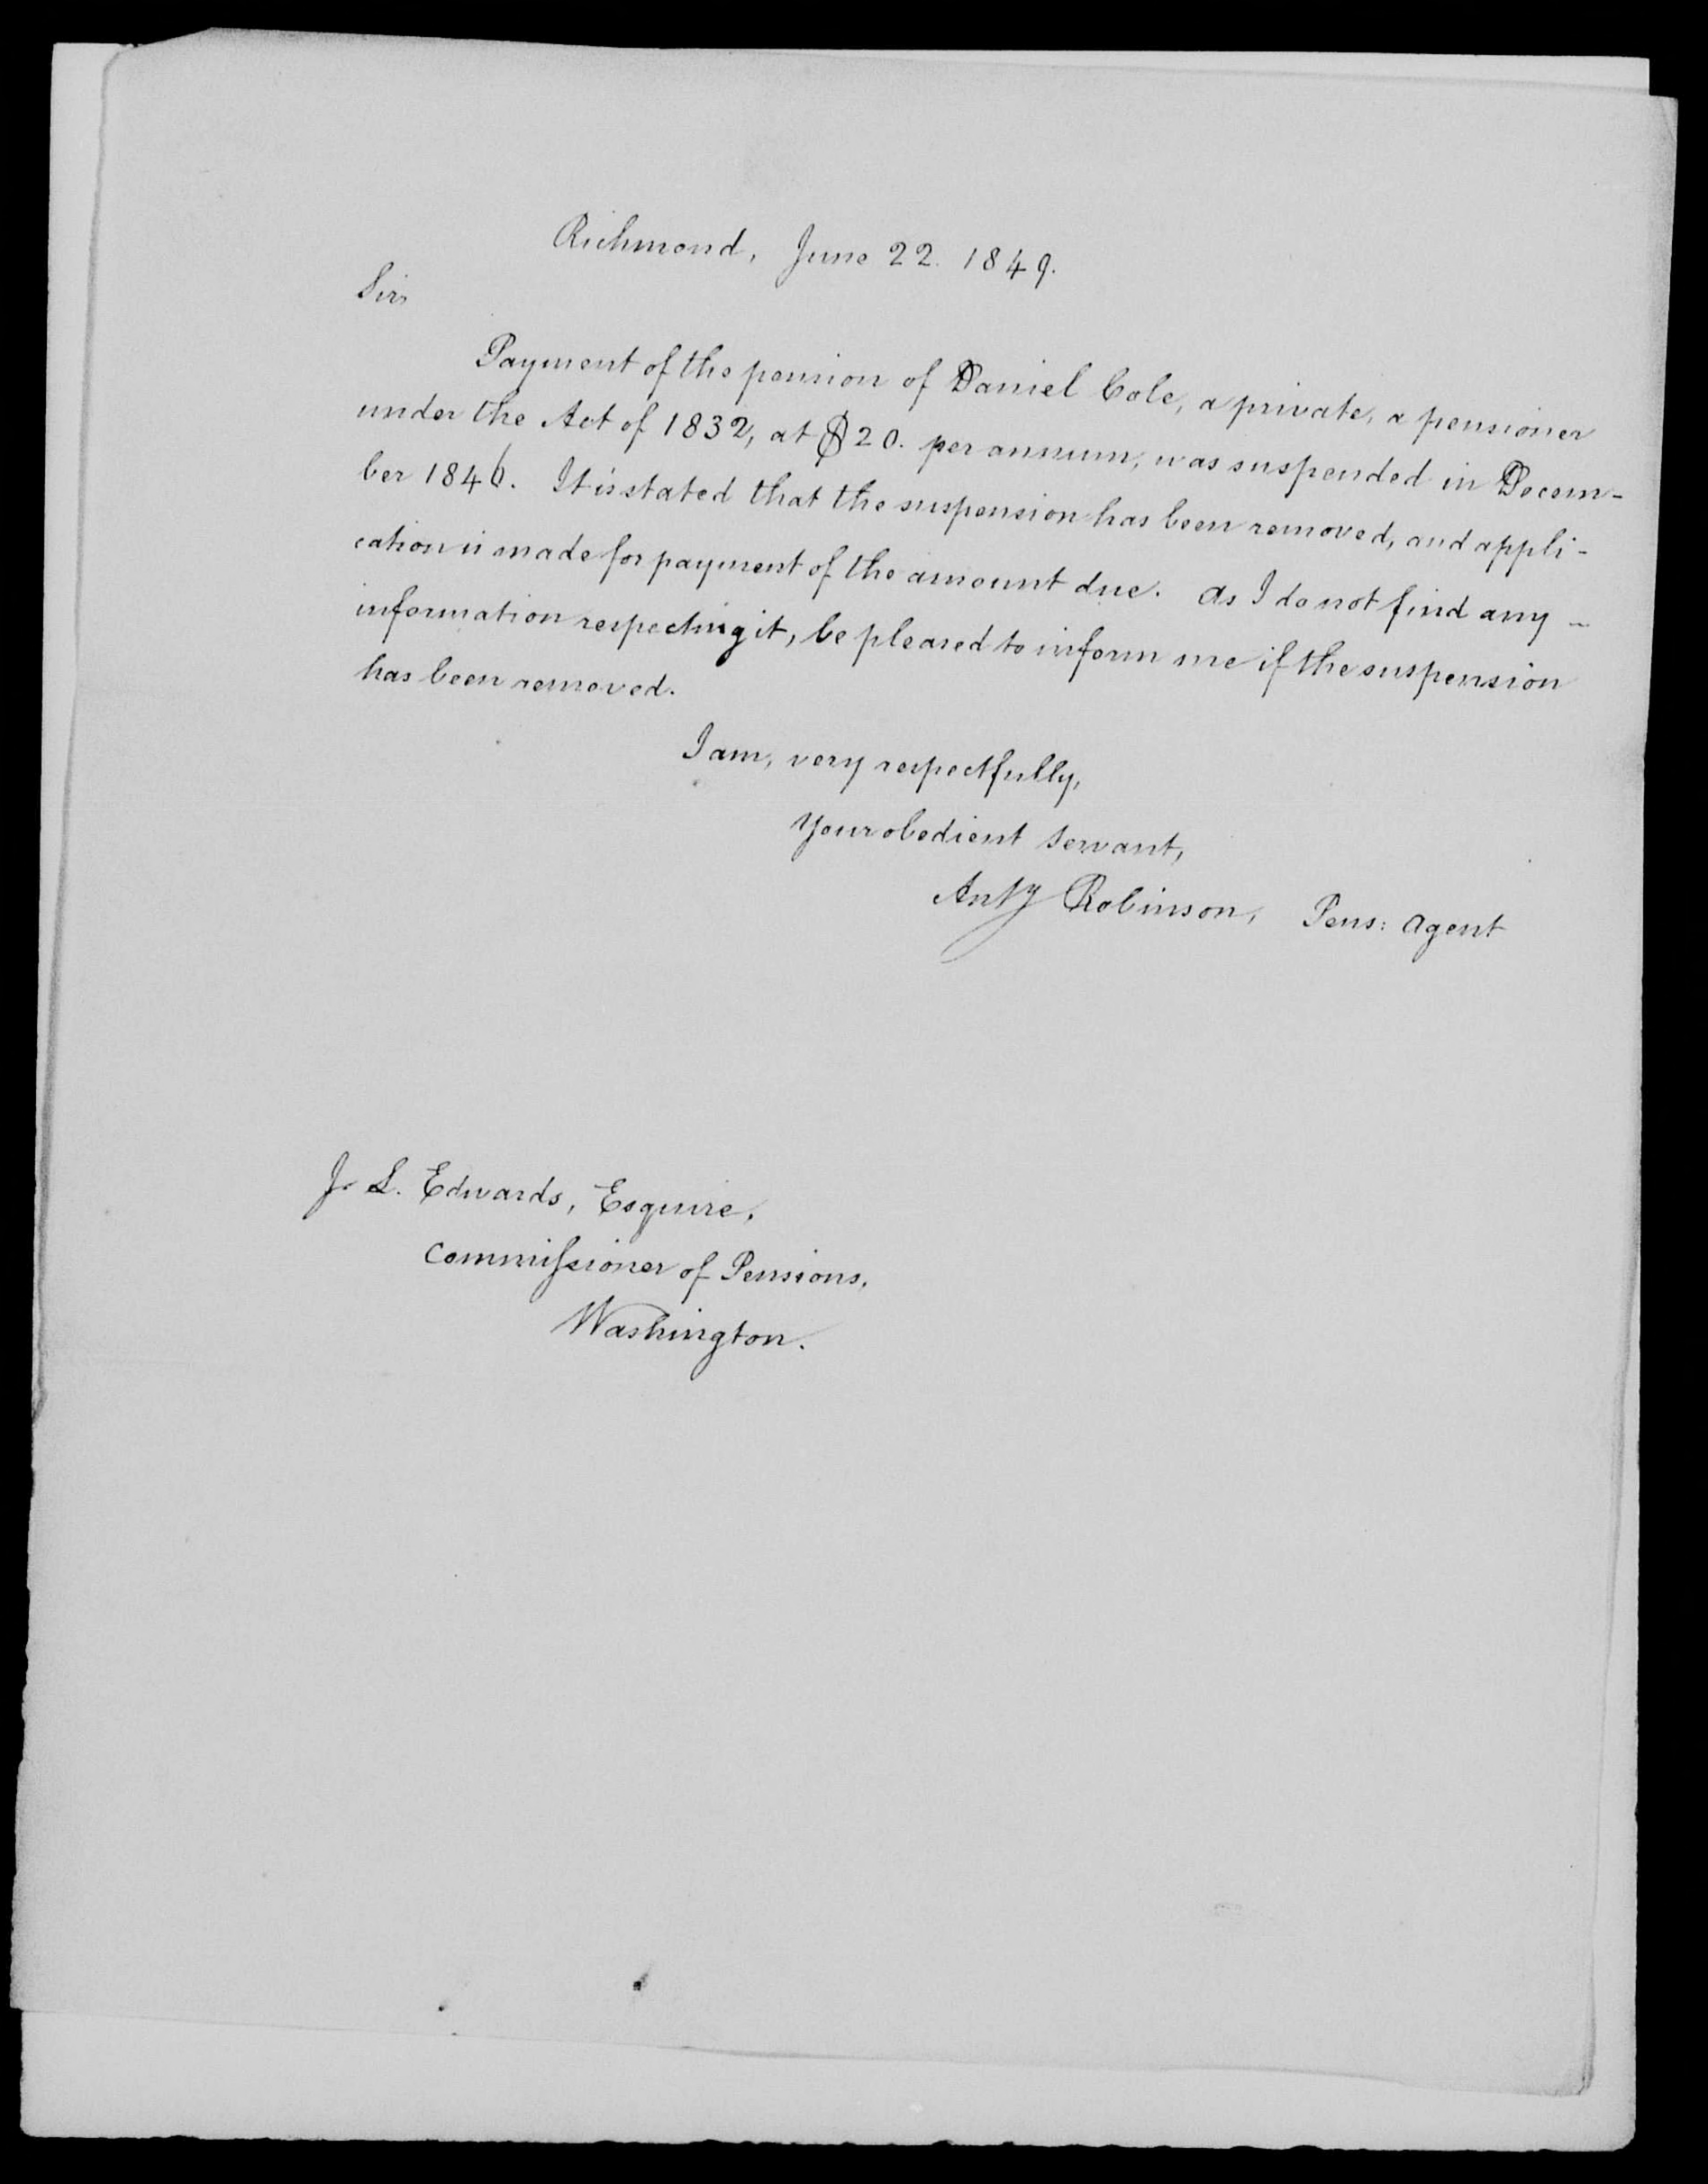Richmond, June 22, 1849

Sirs

Payment of the pension of Daniel Cole, a private, a pensioner under the Act of 1832, at $20. per annum, was suspended in December 1846. It is stated that the suspension has been removed, and application is made for payment of the amount due. As I do not find any information respecting it, be pleased to inform me if the suspension has been removed.

I am, very respectfully, 
Your obedient Servant,
Anty Robinson, Pens: Agent

J.L. Edwards, Esquire,
Commissioner of Pensions,
Washington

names: Daniel Cole, Anty Robinson, J L Edwards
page: 44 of 61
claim: survivor's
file: S. 8236, Daniel Cole, Va.